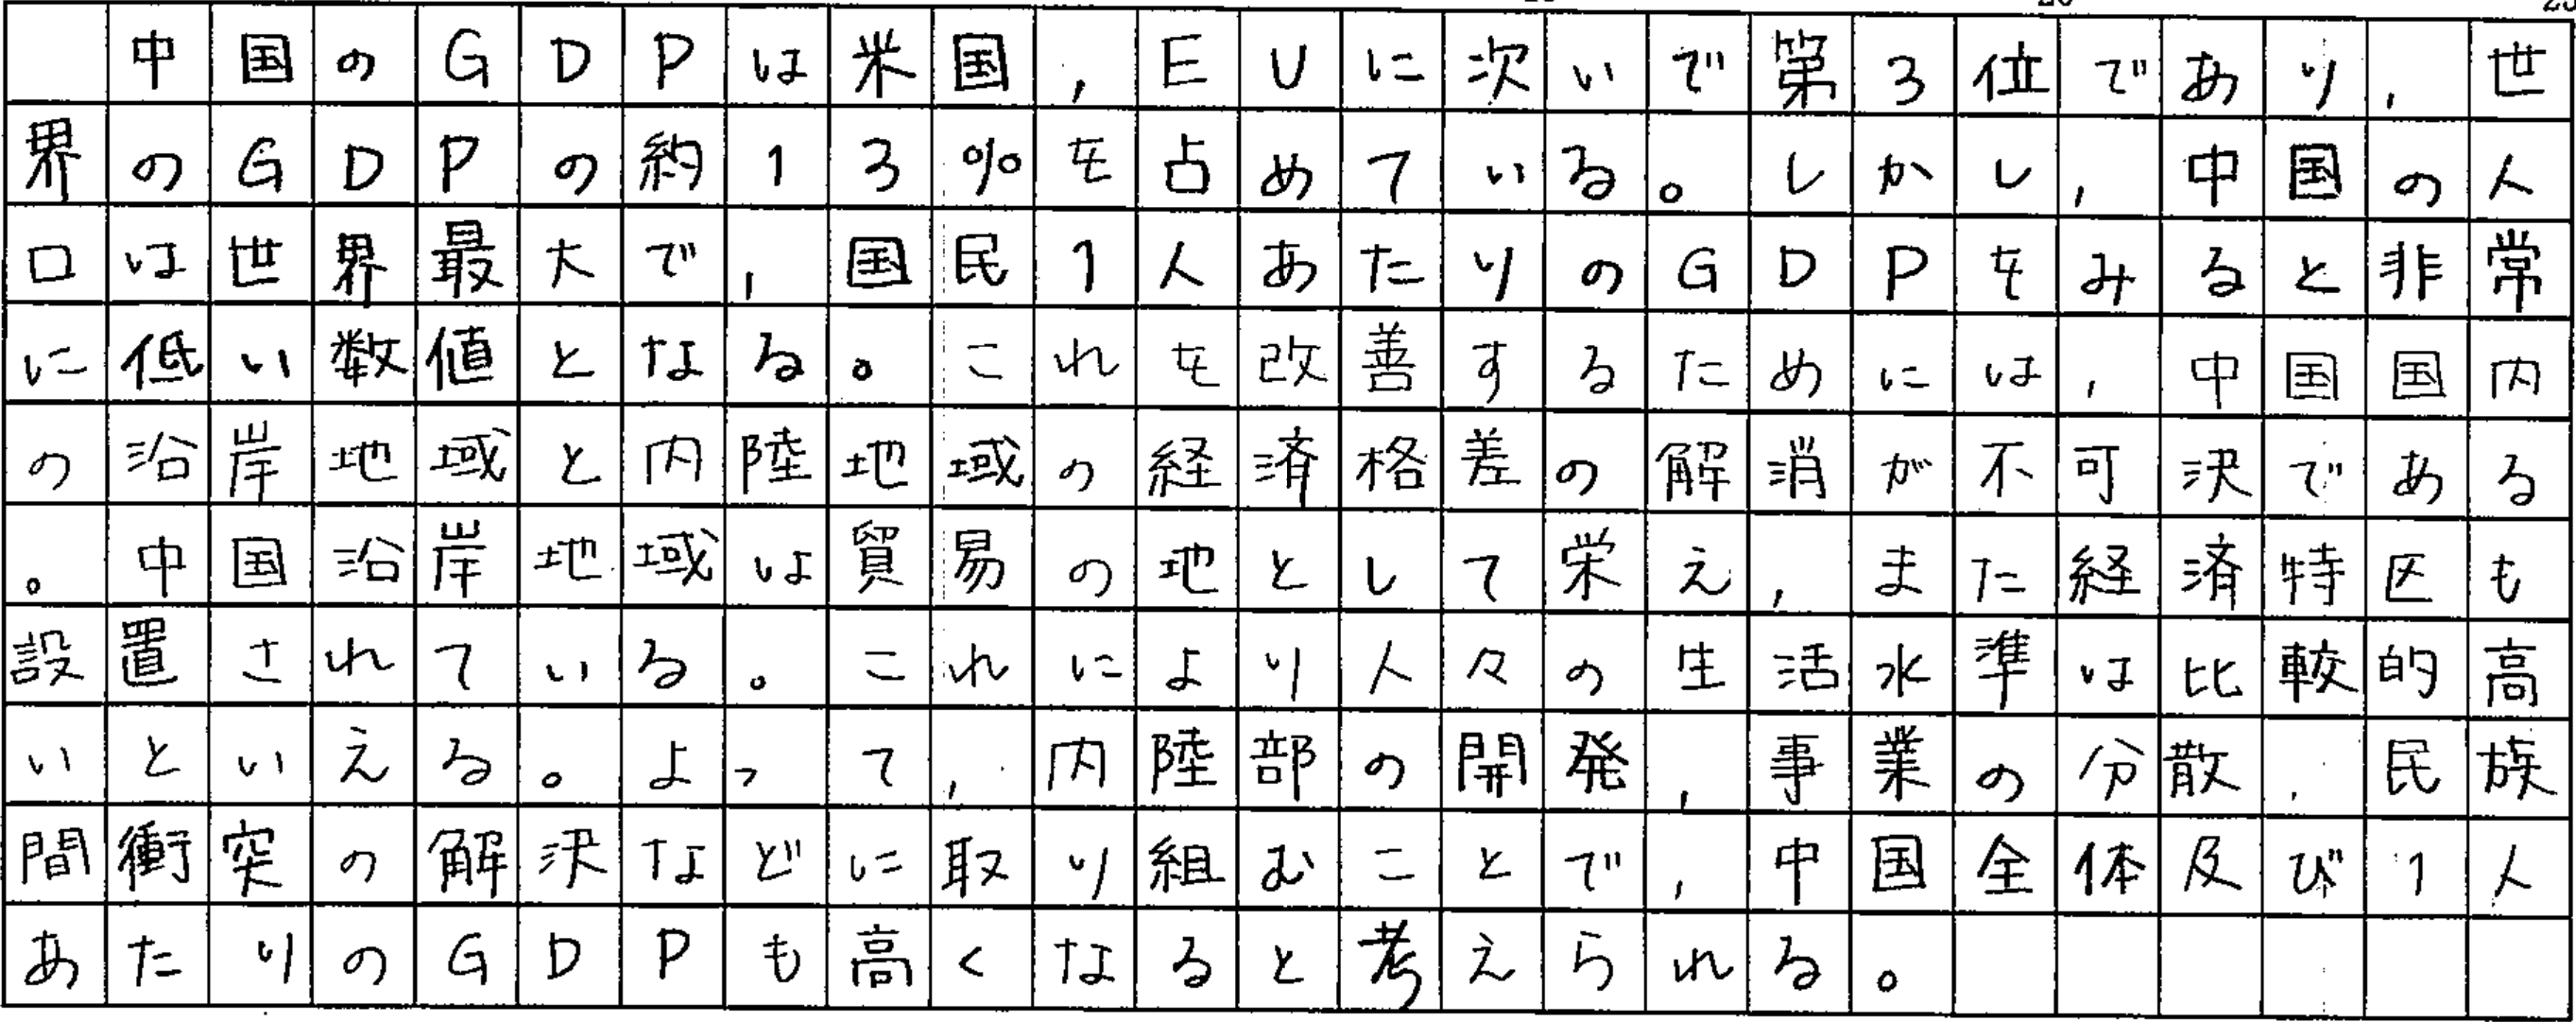　中国のＧＤＰは米国，ＥＵに次いで第３位であり，世界のＧＤＰの約１３％を占めている。しかし，中国の人口は世界最大で，国民１人あたりのＧＤＰをみると非常に低い数値となる。これを改善するためには，中国国内の沿岸地域と内陸地域の経済格差の解消が不可決である。中国沿岸地域は貿易の地として栄え，また経済特区も設置されている。これにより人々の生活水準は比較的高いといえる。よって，内陸部の開発，事業の分散．民族間衝突の解決などに取り組むことで，中国全体及び１人あたりのＧＤＰも高くなると考えられる。
